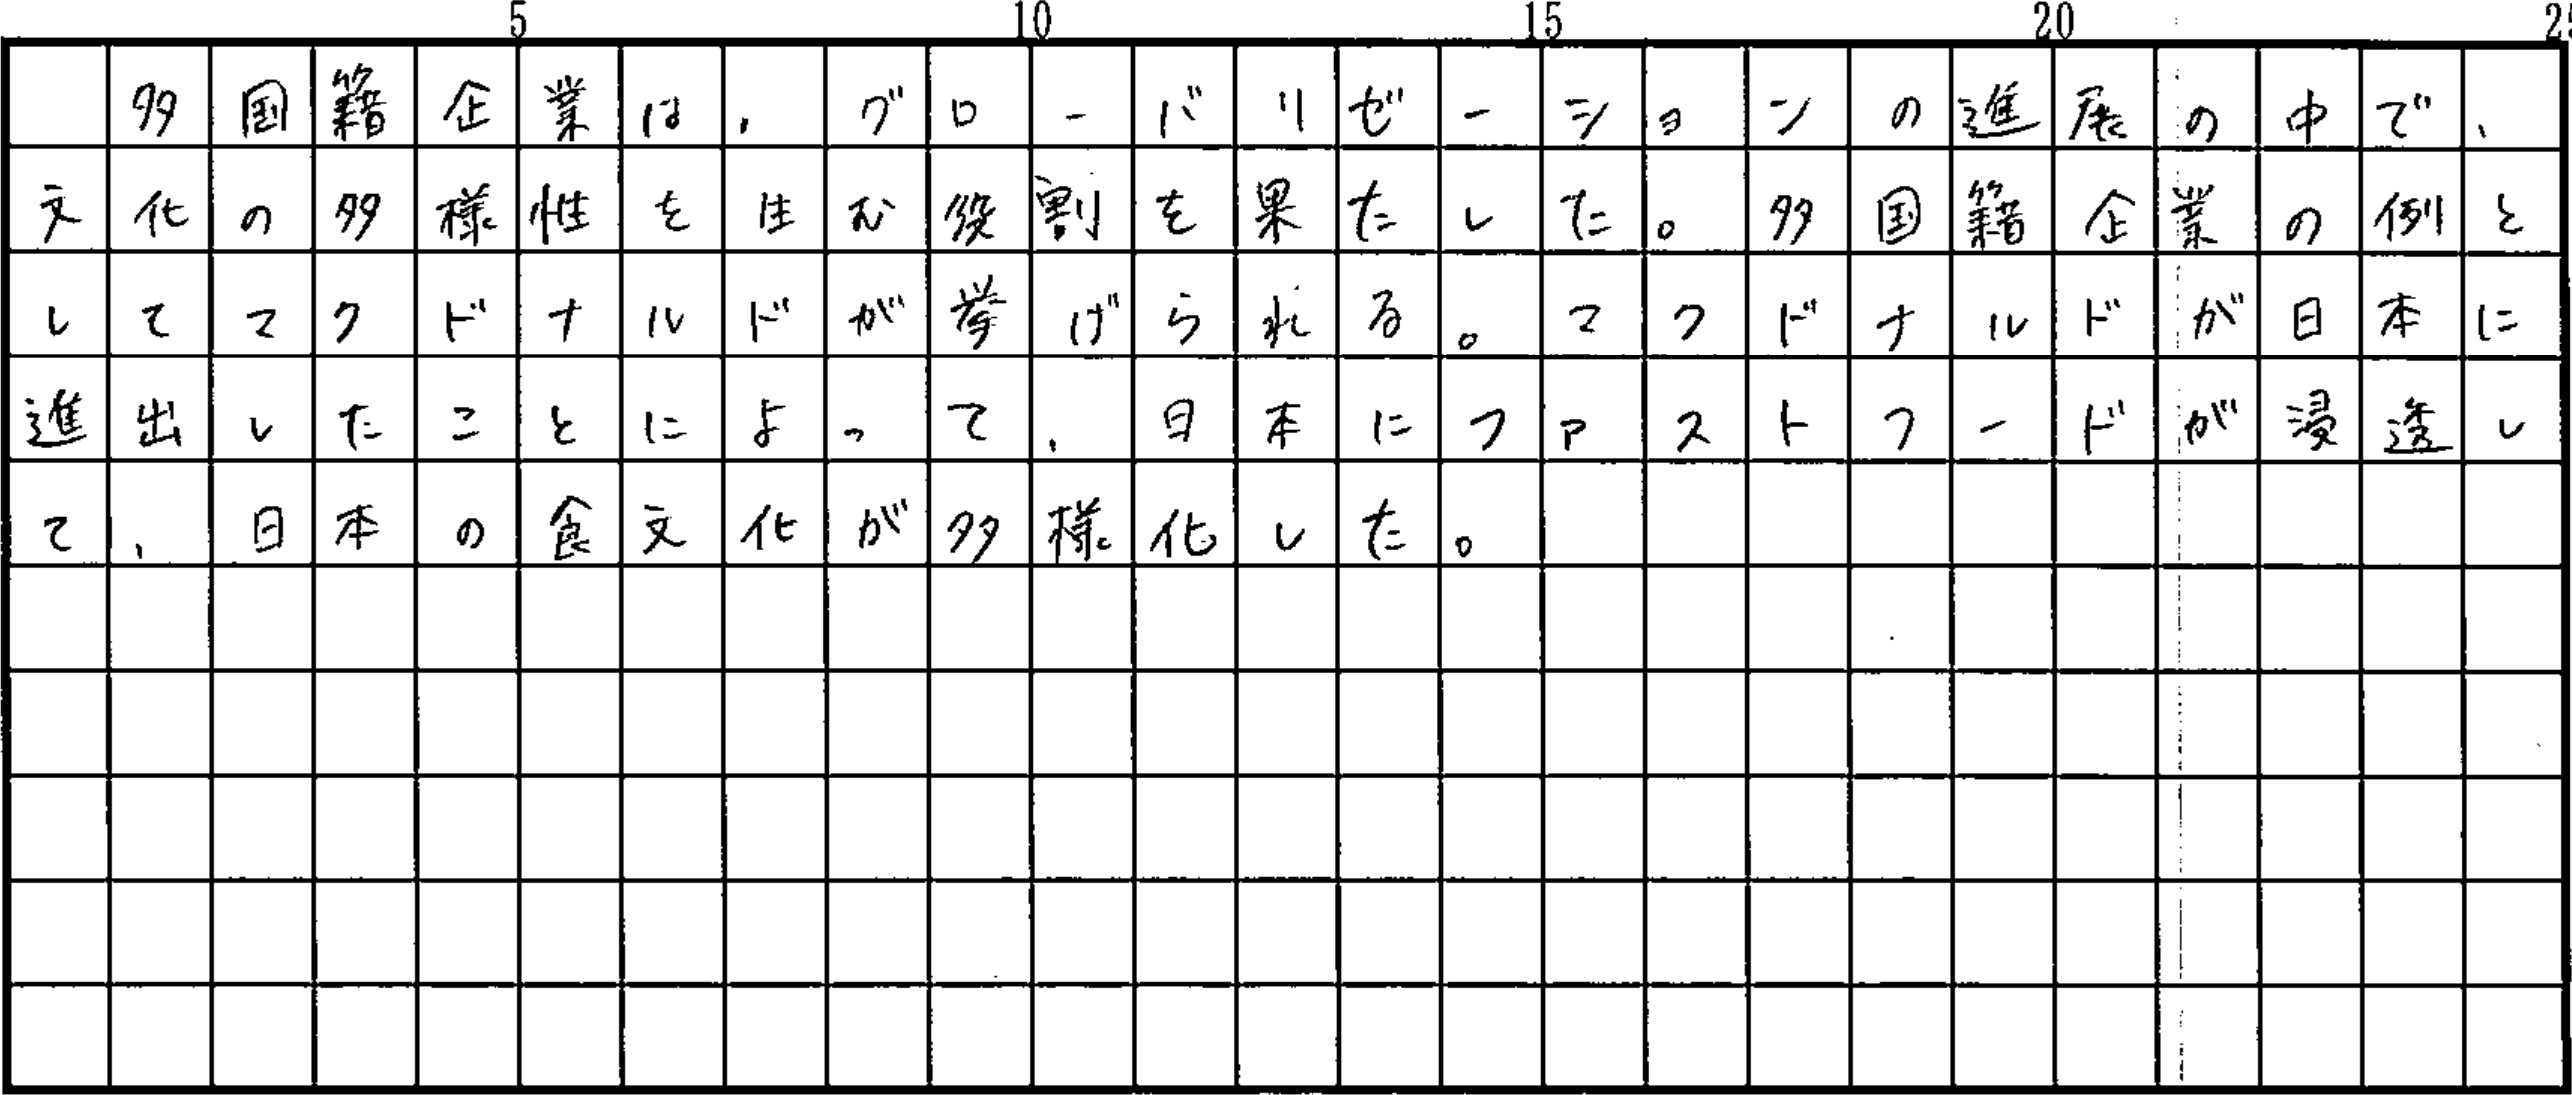　多国籍企業は、グローバリゼーションの進展の中で、文化の多様性を生む役割を果たした。多国籍企業の例としてマクドナルドが挙げられる。マクドナルドが日本に進出したことによって、日本にファストフードが浸透して、日本の食文化が多様化した。
